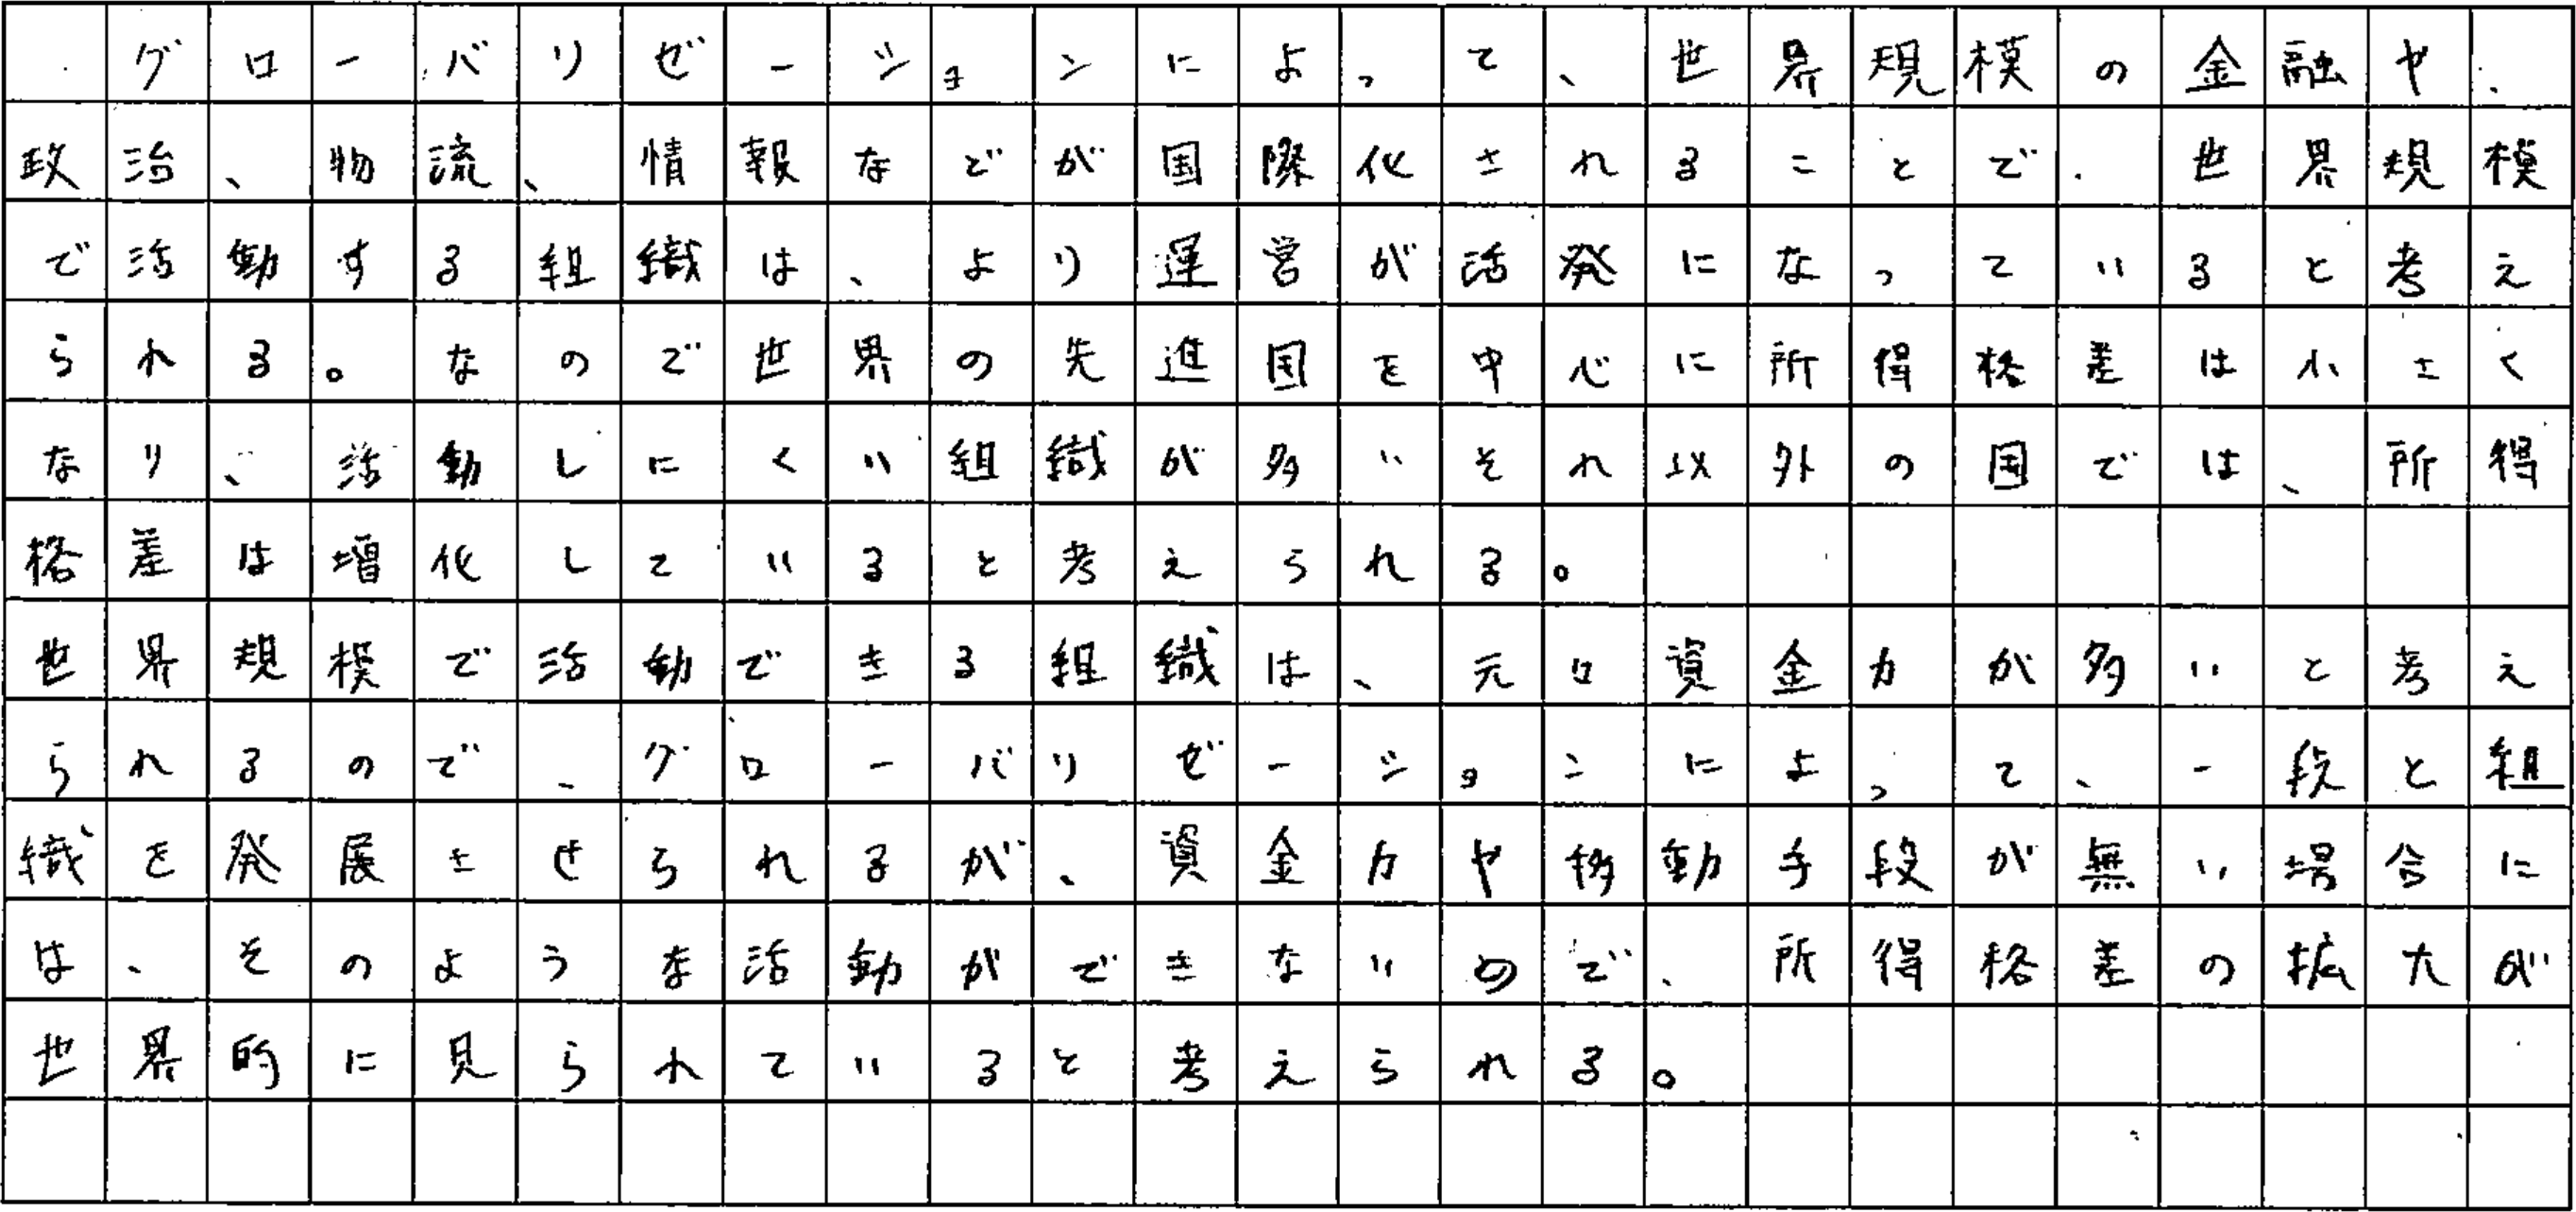　グローバリゼーションによって、世界規模の金融や、政治、物流、情報などが国際化されることで、世界規模で活動する組織は、より運営が活発になっていると考えられる。なので世界の先進国を中心に所得格差は小さくなり、活動しにくい組織が多いそれ以外の国では、所得格差は増化していると考えられる。
世界規模で活動できる組織は、元々資金力が多いと考えられるので、グローバリゼーションによって、一段と組織を発展させられるが、資金力や移動手段が無い場合には、そのような活動ができないので、所得格差の拡大が世界的に見られていると考えられる。
